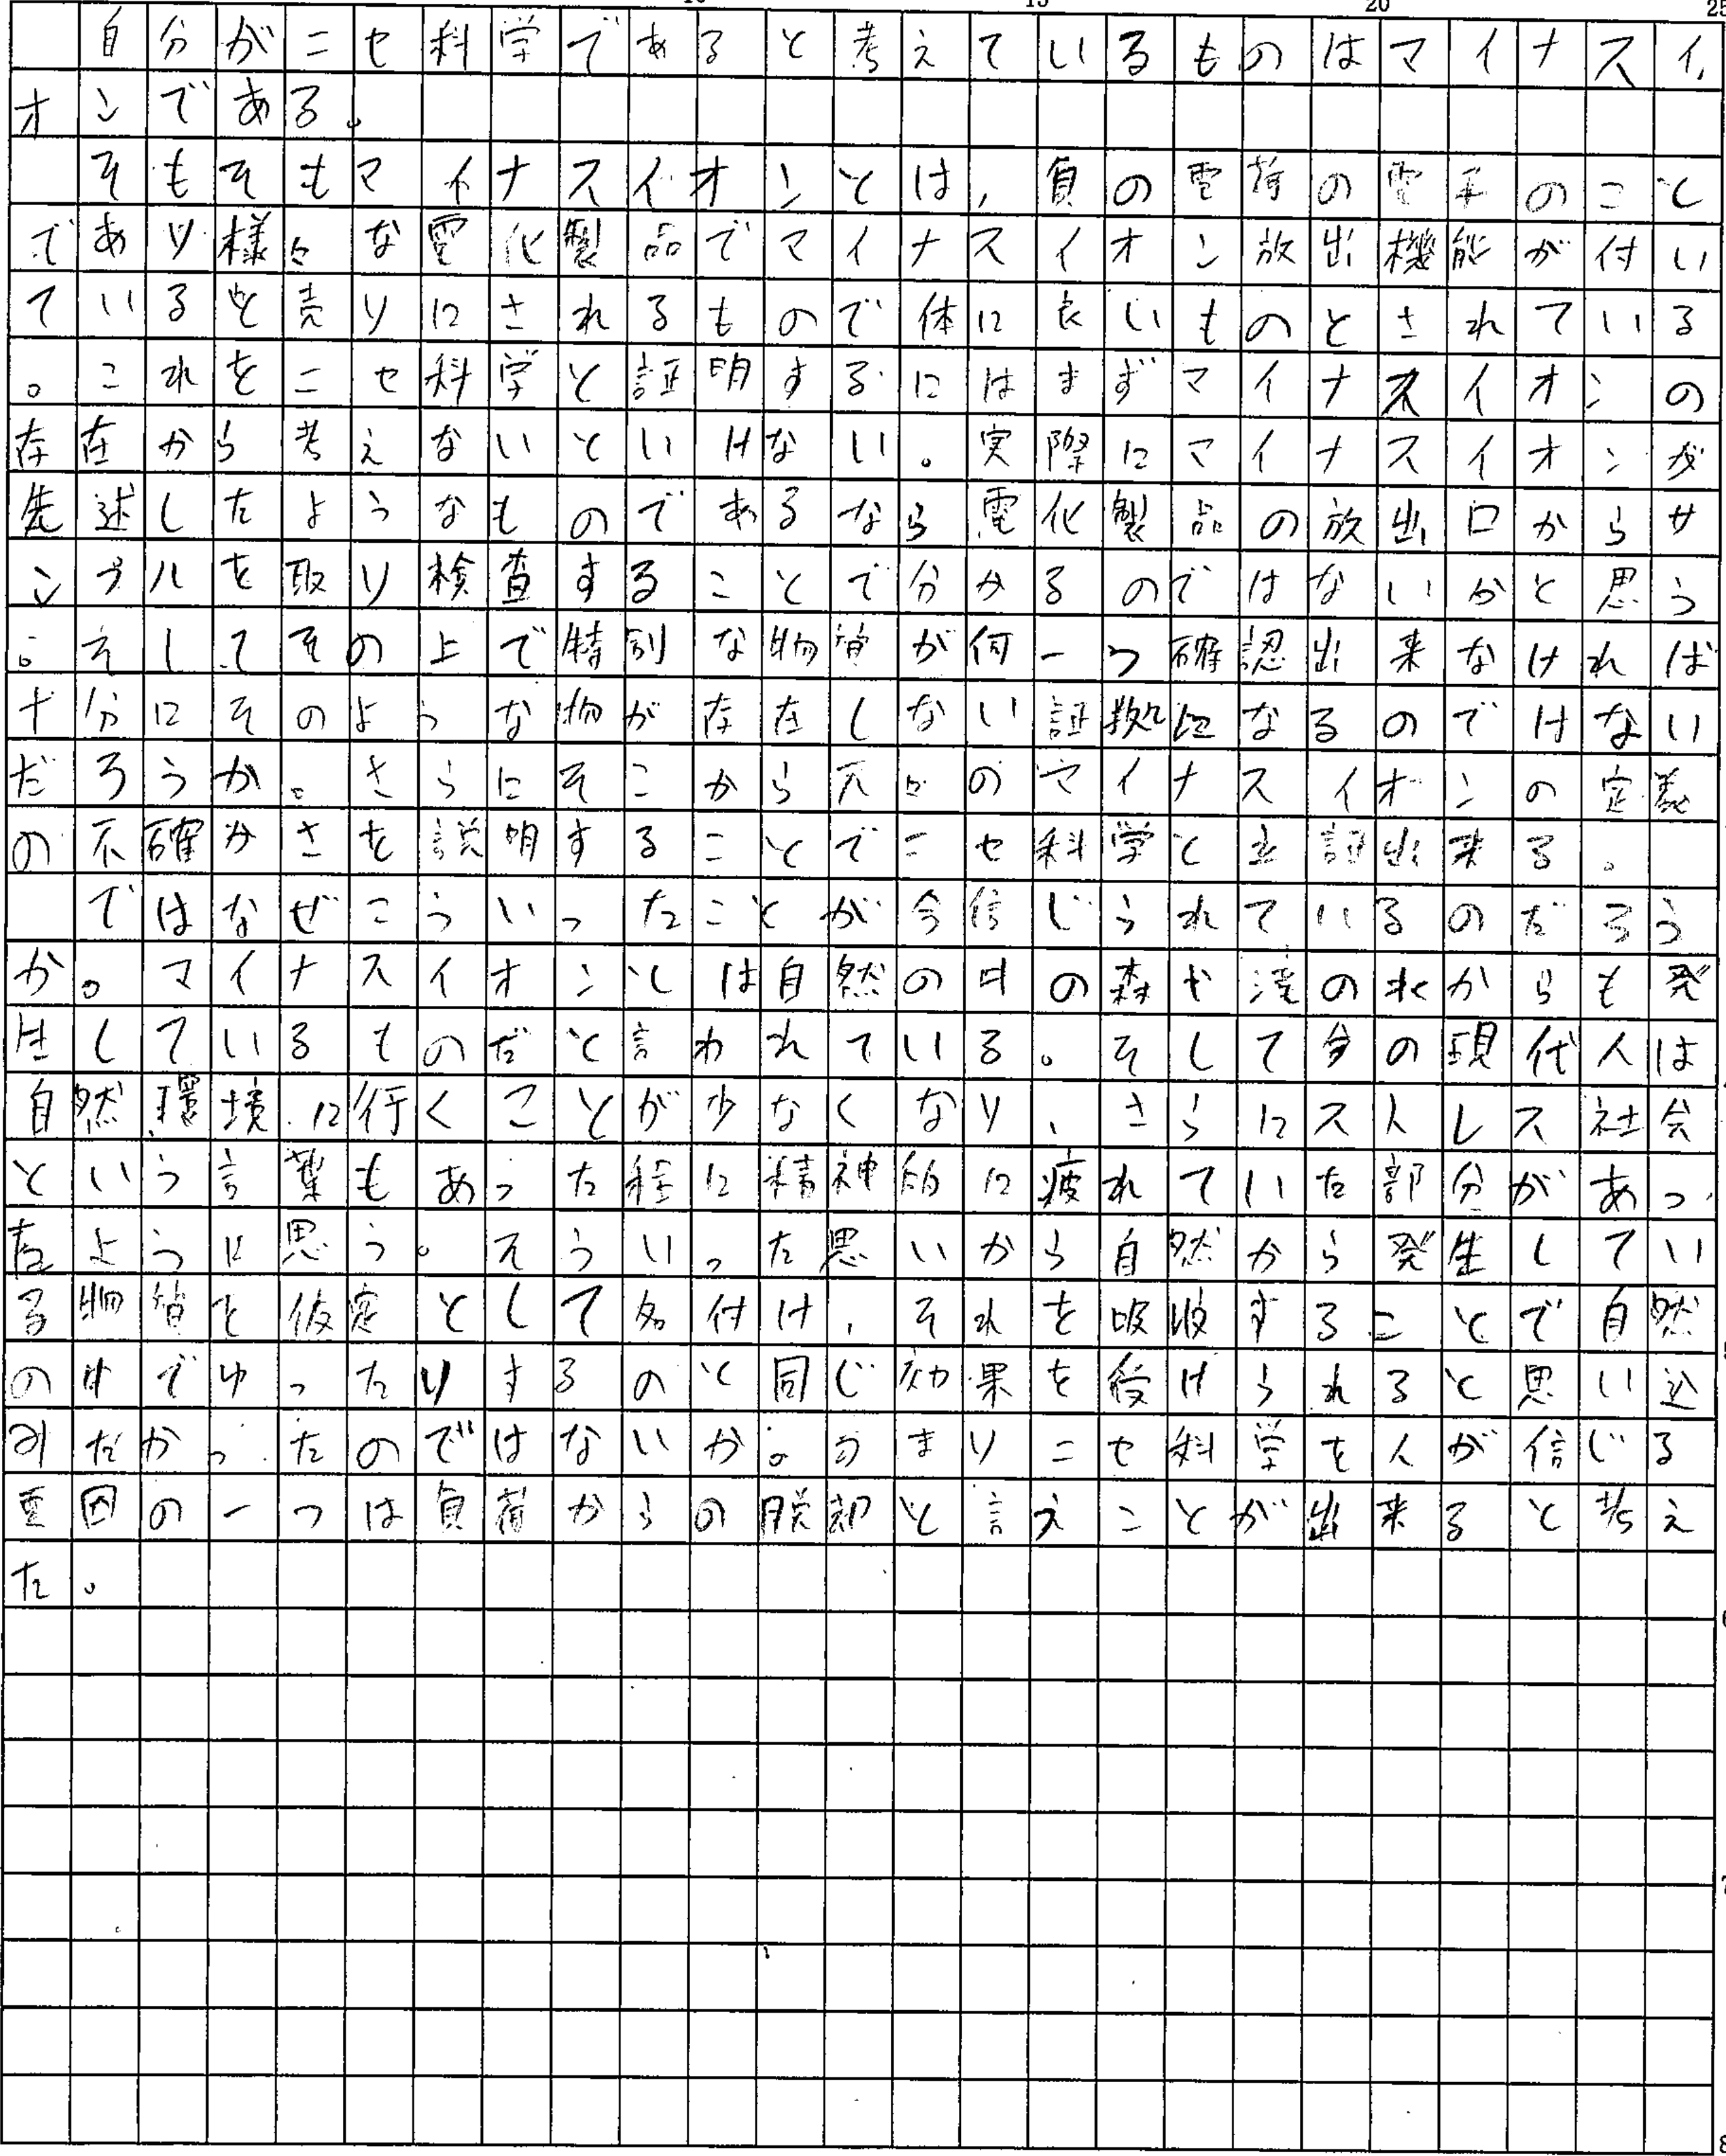　自分がニセ科学であると考えているものはマイナスイオンである。
　そもそもマイナスイオンとは，負の電荷の電子のことであり様々な電化製品でマイナスイオン放出機能が付いていると売りにされるもので体に良いものとされている。これをニセ科学と証明するにはまずマイナスイオンの存在から考えないといけない。実際にマイナスイオンが先述したようなものであるなら電化製品の放出口からサンプルを取り検査することで分かるのではないかと思う。そしてその上で特別な物質か何一つ確認出来なければ十分にそのような物が存在しない証拠になるのではないだろうか。さらにそこから元々のマイナスイオンの定義の不確かさを説明することでニセ科学と立証出来る。
　ではなぜこういったことが今信じられているのだろうか。マイナスイオンとは自然の中の森や滝の水からも発生しているものだと言われている。そして今の現代人は自然環境に行くことが少なくなり、さらにストレス社会という言葉もあった程に精神的に疲れていた部分があったように思う。そういった思いから自然から発生している物質を仮定として名付け、それを吸収することで自然の中でゆったりするのと同じ効果を受けられると思い込みたかったのではないか。つまりニセ科学を人が信じる要因の一つは負荷からの脱却と言うことが出来ると考えた。
